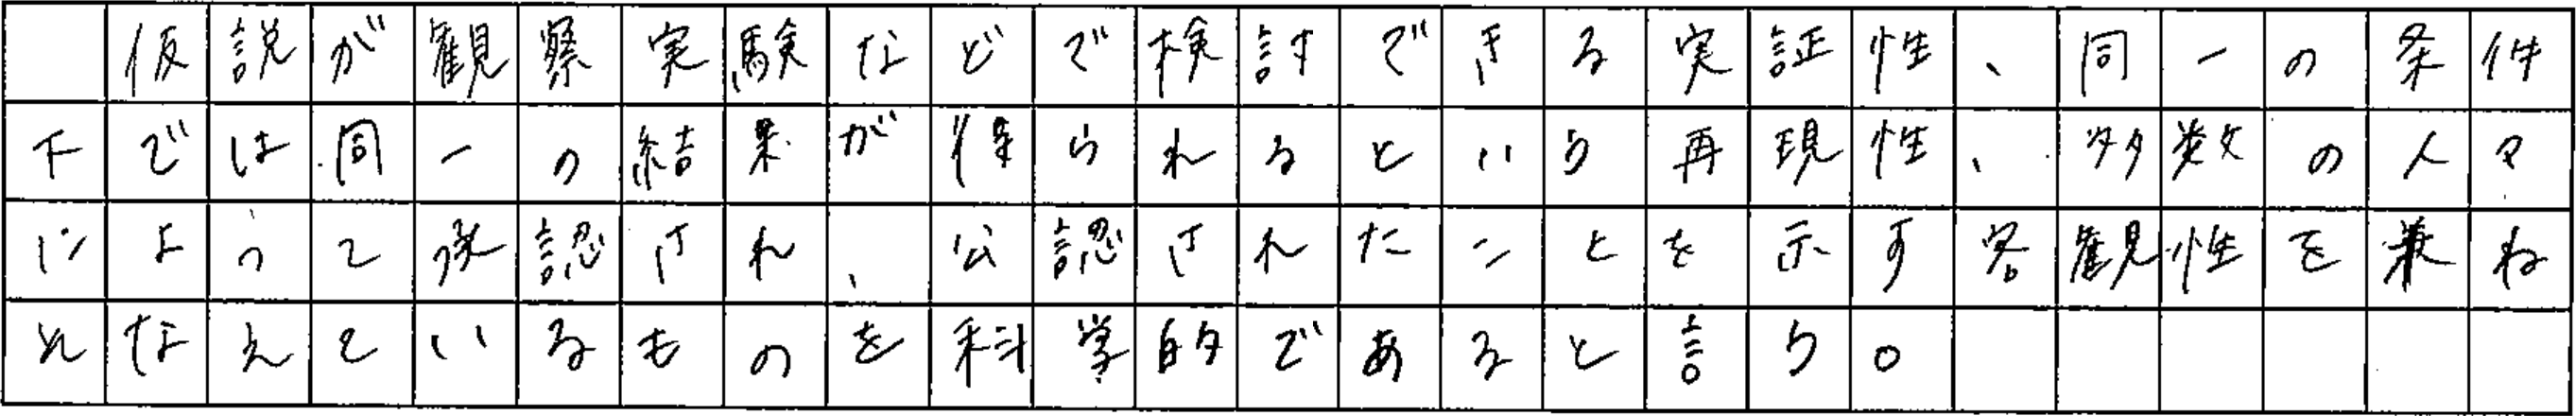　仮説が観察実験などで検討できる実証性、同一の条件下では同一の結果が得られるという再現性、多数の人々によって承認され、公認されたことを示す客観性を兼ねそなえているものを科学的であると言う。
